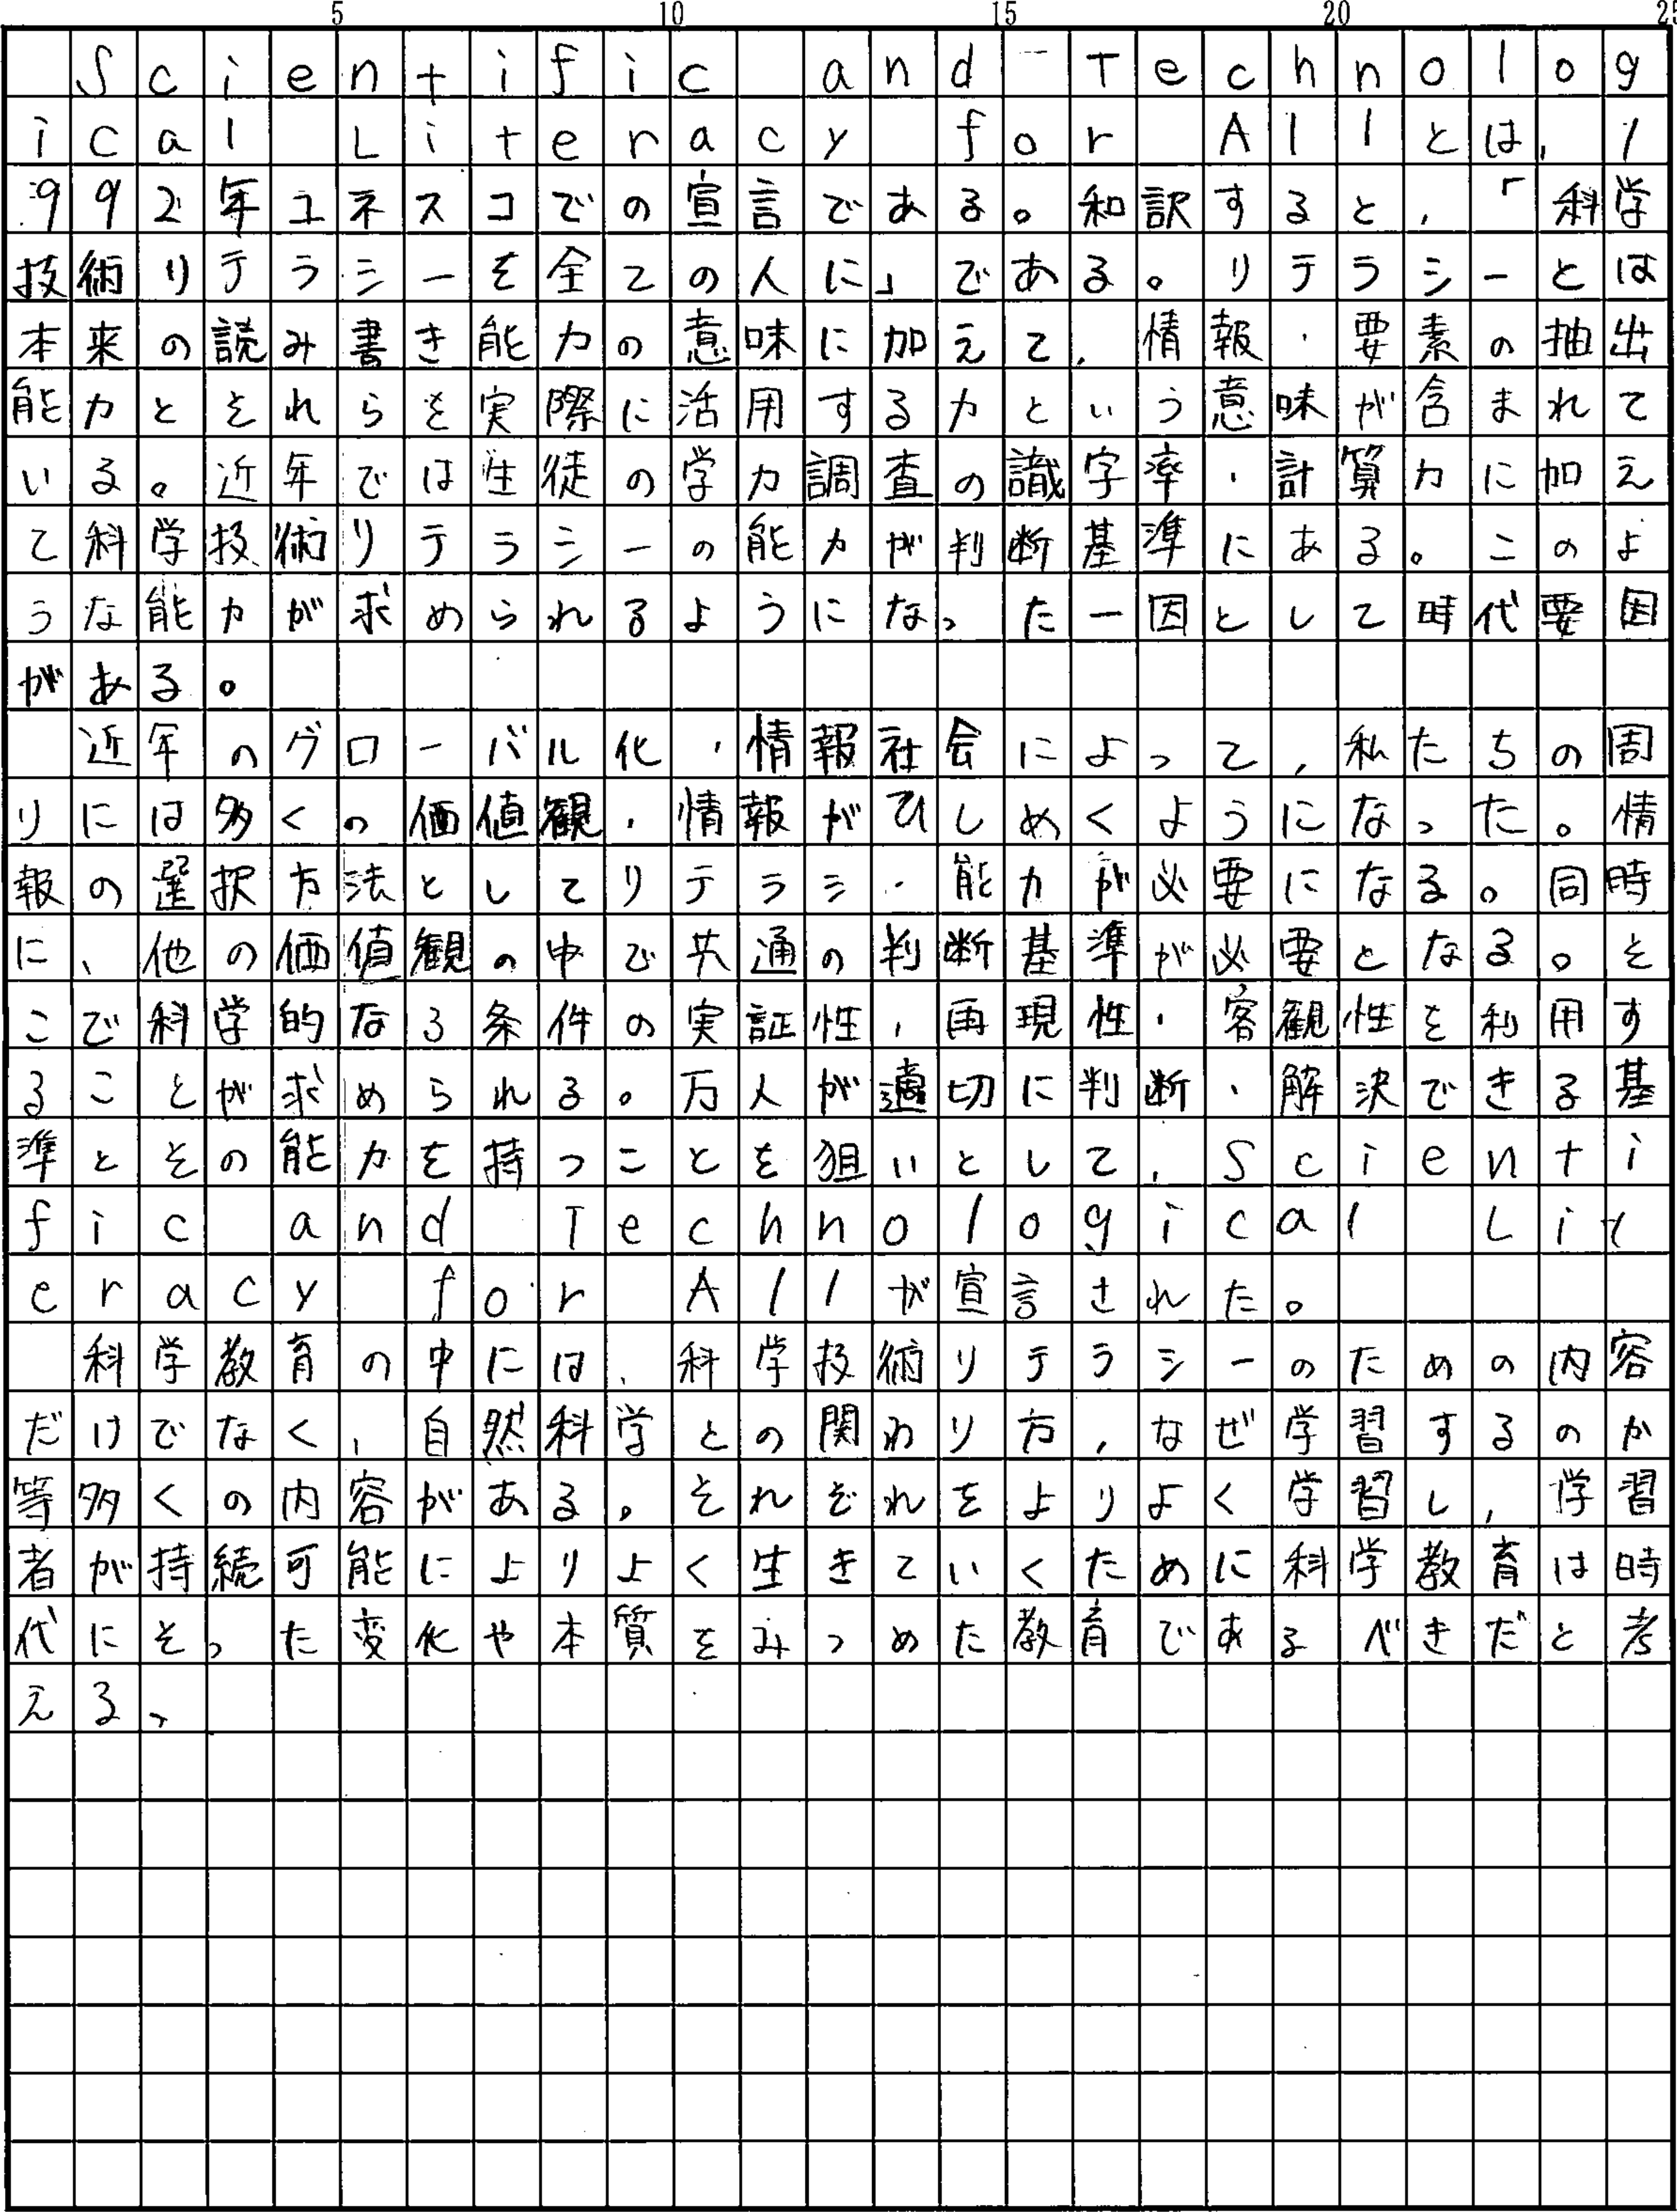　Ｓｃｉｅｎｔｉｆｉｃ　ａｎｄ　Ｔｅｃｈｎｏｌｏｇｉｃａｌ　Ｌｉｔｅｒａｃｙ　ｆｏｒ　Ａｌｌとは、１９９２年ユネスコでの宣言である。和訳すると、「科学技術リテラシーを全ての人に」である。リテラシーとは本来の読み書き能力の意味に加えて、情報・要素の抽出能力とそれらを実際に活用する力という意味が含まれている。近年では生徒の学力調査の識字率・計算力に加えて科学技術リテラシーの能力が判断基準にある。このような能力が求められるようになった一因として時代要因がある。
　近年のグローバル化・情報社会によって、私たちの周りには多くの価値観・情報がひしめくようになった。情報の選択方法としてリテラシー能力が必要になる。同時に、他の価値観の中で共通の判断基準が必要となる。そこで科学的な３条件の実証性・再現性・客観性を利用することが求められる。万人が適切に判断・解決できる基準とその能力を持つことを狙いとして、Ｓｃｉｅｎｔｉｆｉｃ　ａｎｄ　Ｔｅｃｈｎｏｌｏｇｉｃａｌ　Ｌｉｔｅｒａｃｙ　ｆｏｒ　Ａｌｌが宣言された。
　科学教育の中には、科学技術リテラシーのための内容だけでなく、自然科学との関わり方、なぜ学習するのか等多くの内容がある。それぞれをよりよく学習し、学習者が持続可能によりよく生きていくために科学教育は時代にそった変化や本質をみつめた教育であるべきだと考える。
